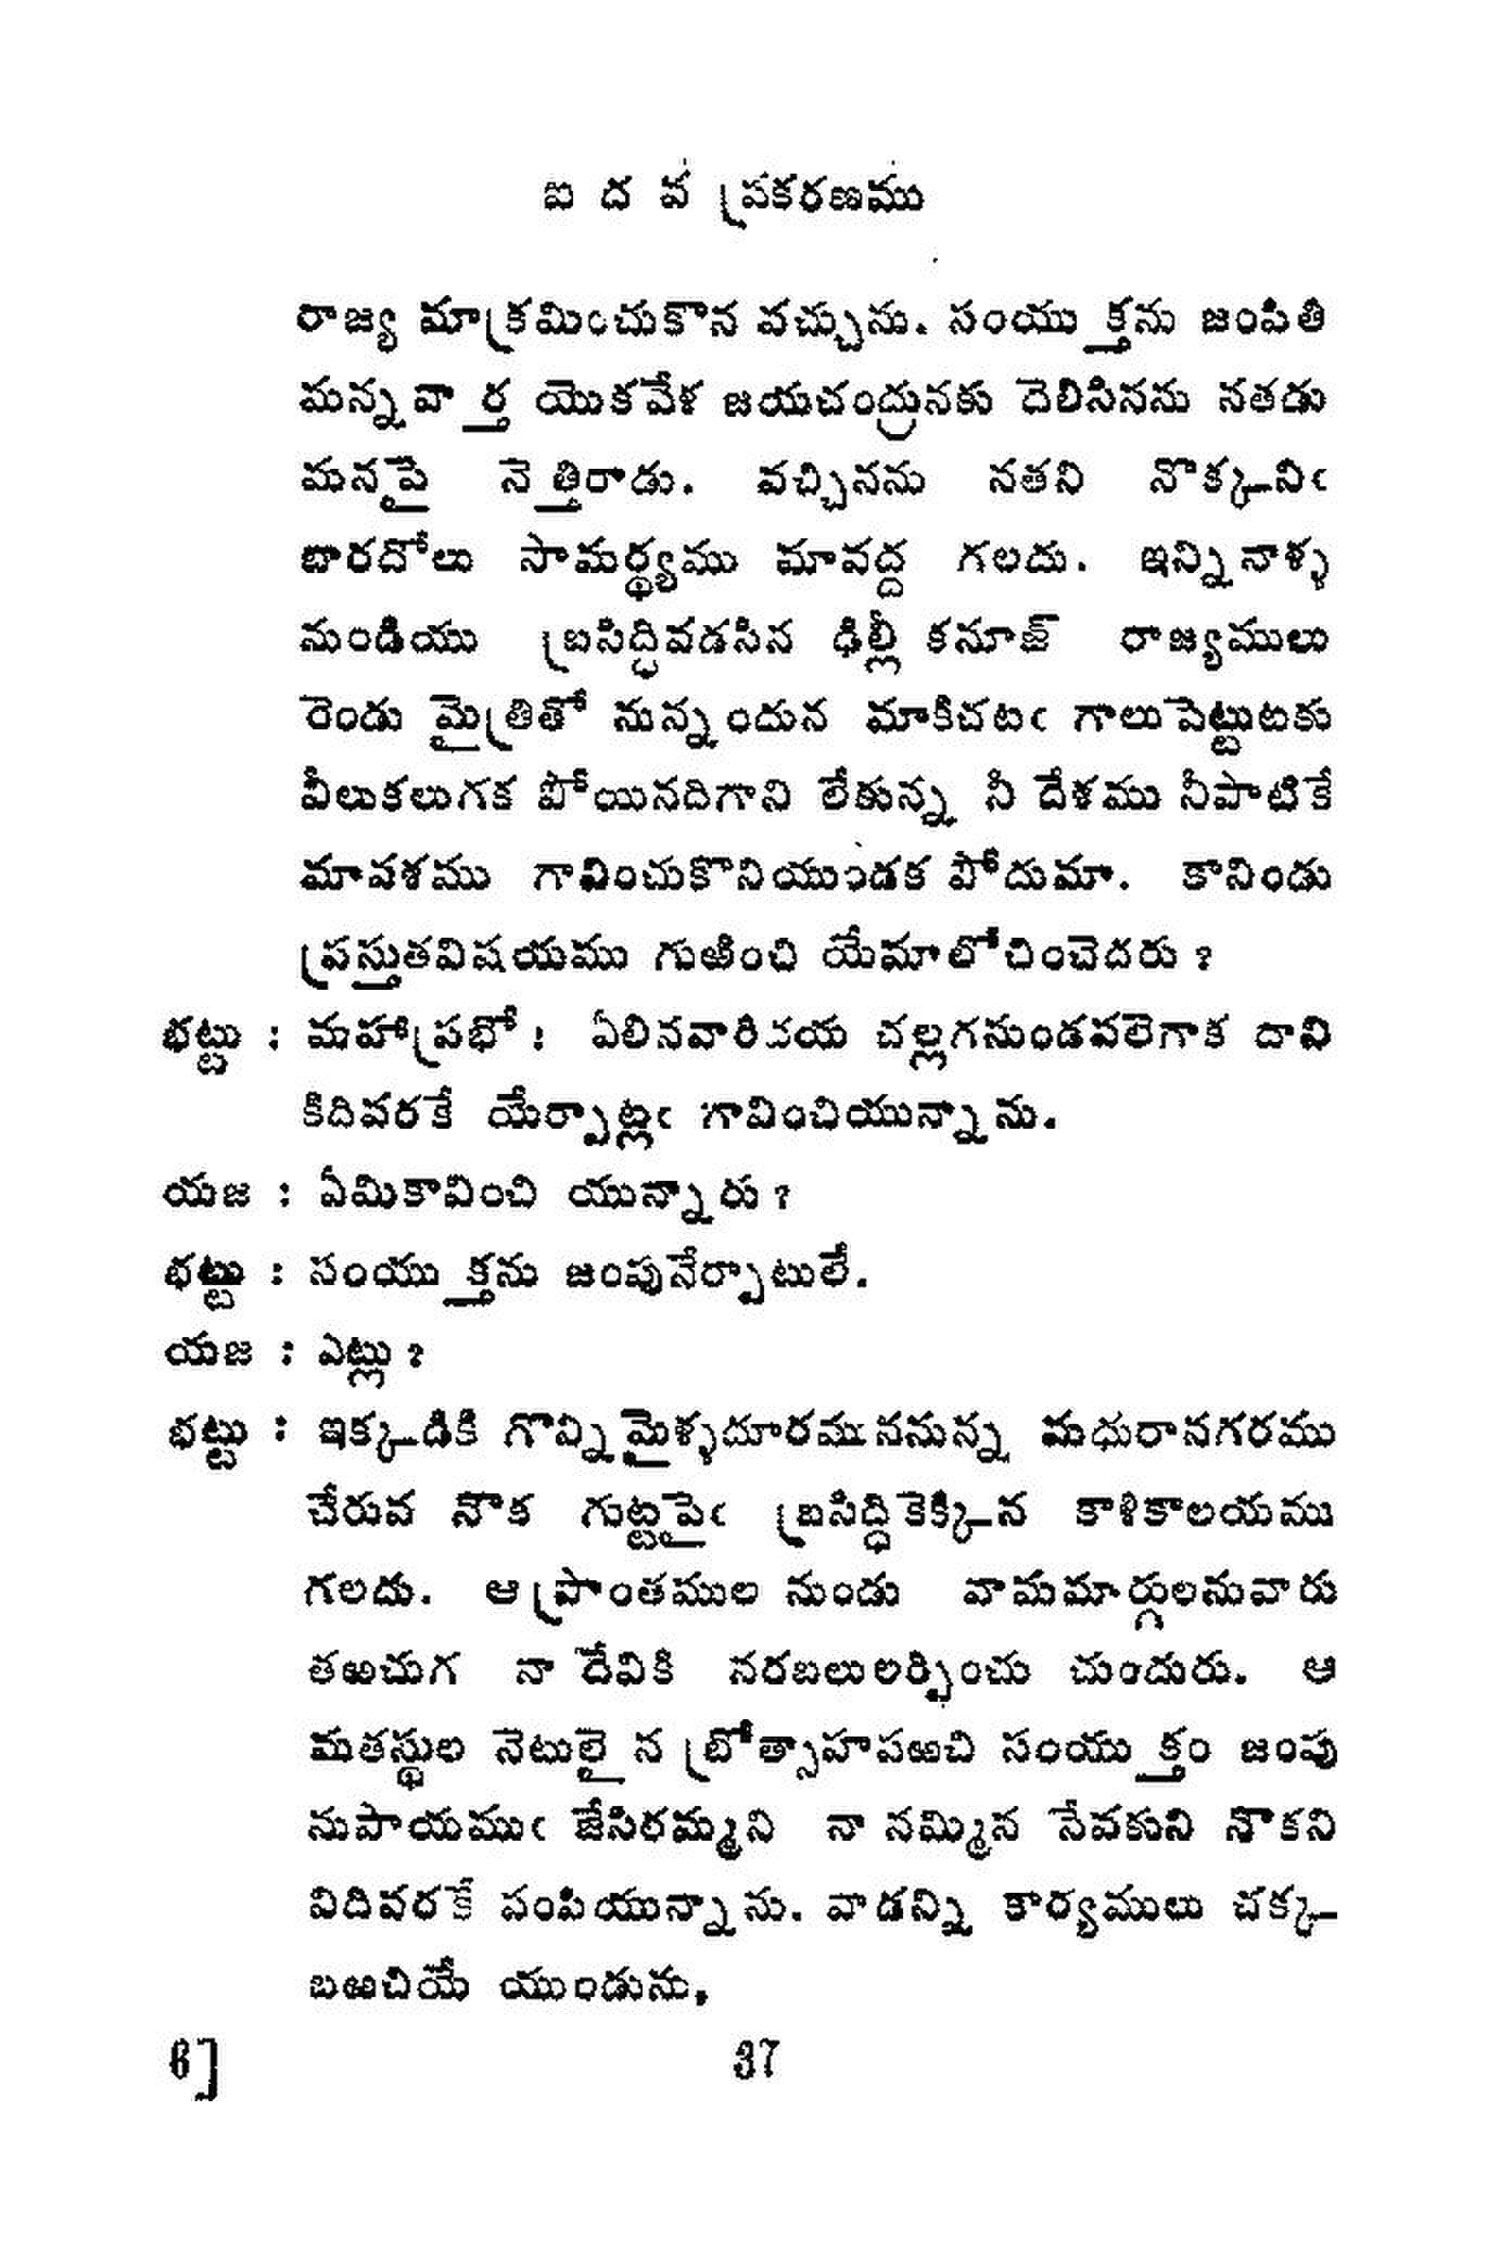రాజ్య మాక్రమించుకొన వచ్చును. సంయుక్తను జంపితిమన్న వార్త యొకవేళ జయచంద్రునకు దెలిసినను నతడు మనపై నెత్తిరాడు. వచ్చినను నతని నొక్కనిఁ బారదోలు సామర్ధ్యము మావద్ద గలదు. ఇన్నినాళ్ళ నుండియు బ్రసిద్దివడసిన ఢిల్లీ కనూజ్ రాజ్యములు రెండు మైత్రితో నున్నందున మాకిచటఁ గాలుపెట్టుటకు వీలుకలుగక పోయినదిగాని లేకున్న నీ దేశము నీపాటికే మావశము గావించుకొనియుండక పోదుమా. కానిండు ప్రస్తుతవిషయము గుఱించి యేమాలోచించెదరు ? 

భట్టు : మహాప్రభో ! ఏలినవారిదయ చల్లగనుండవలెగాక దానికిదివరకే యేర్పాట్లఁ గావించియున్నాను. 

యజ : ఏమికావించి యున్నారు ? 

భట్టు : సంయుక్తను జంపునేర్పాటులే. 

యజ : ఎట్లు?, 

భట్టు : ఇక్కడికి కొన్ని మైళ్ళదూరముననున్న మధురానగరముచేరువ నొక గుట్టపైఁ బ్రసిద్ధికెక్కిన కాళికాలయము గలదు. ఆ ప్రాంతముల నుండు వామమార్గులనువారు తఱచుగ నా దేవికీ నరబలులర్పించు చుందురు. ఆ మతస్థుల నెటులైన బ్రోత్సాహపఱచి సంయుక్తం జంపు సుపాయముఁ జేసిరమ్మని నా నమ్మిన నేవకుని నొకని నిదివరకే పంపియున్నాను. వాడన్ని కార్యములు చక్కబఱచియే యుండును,